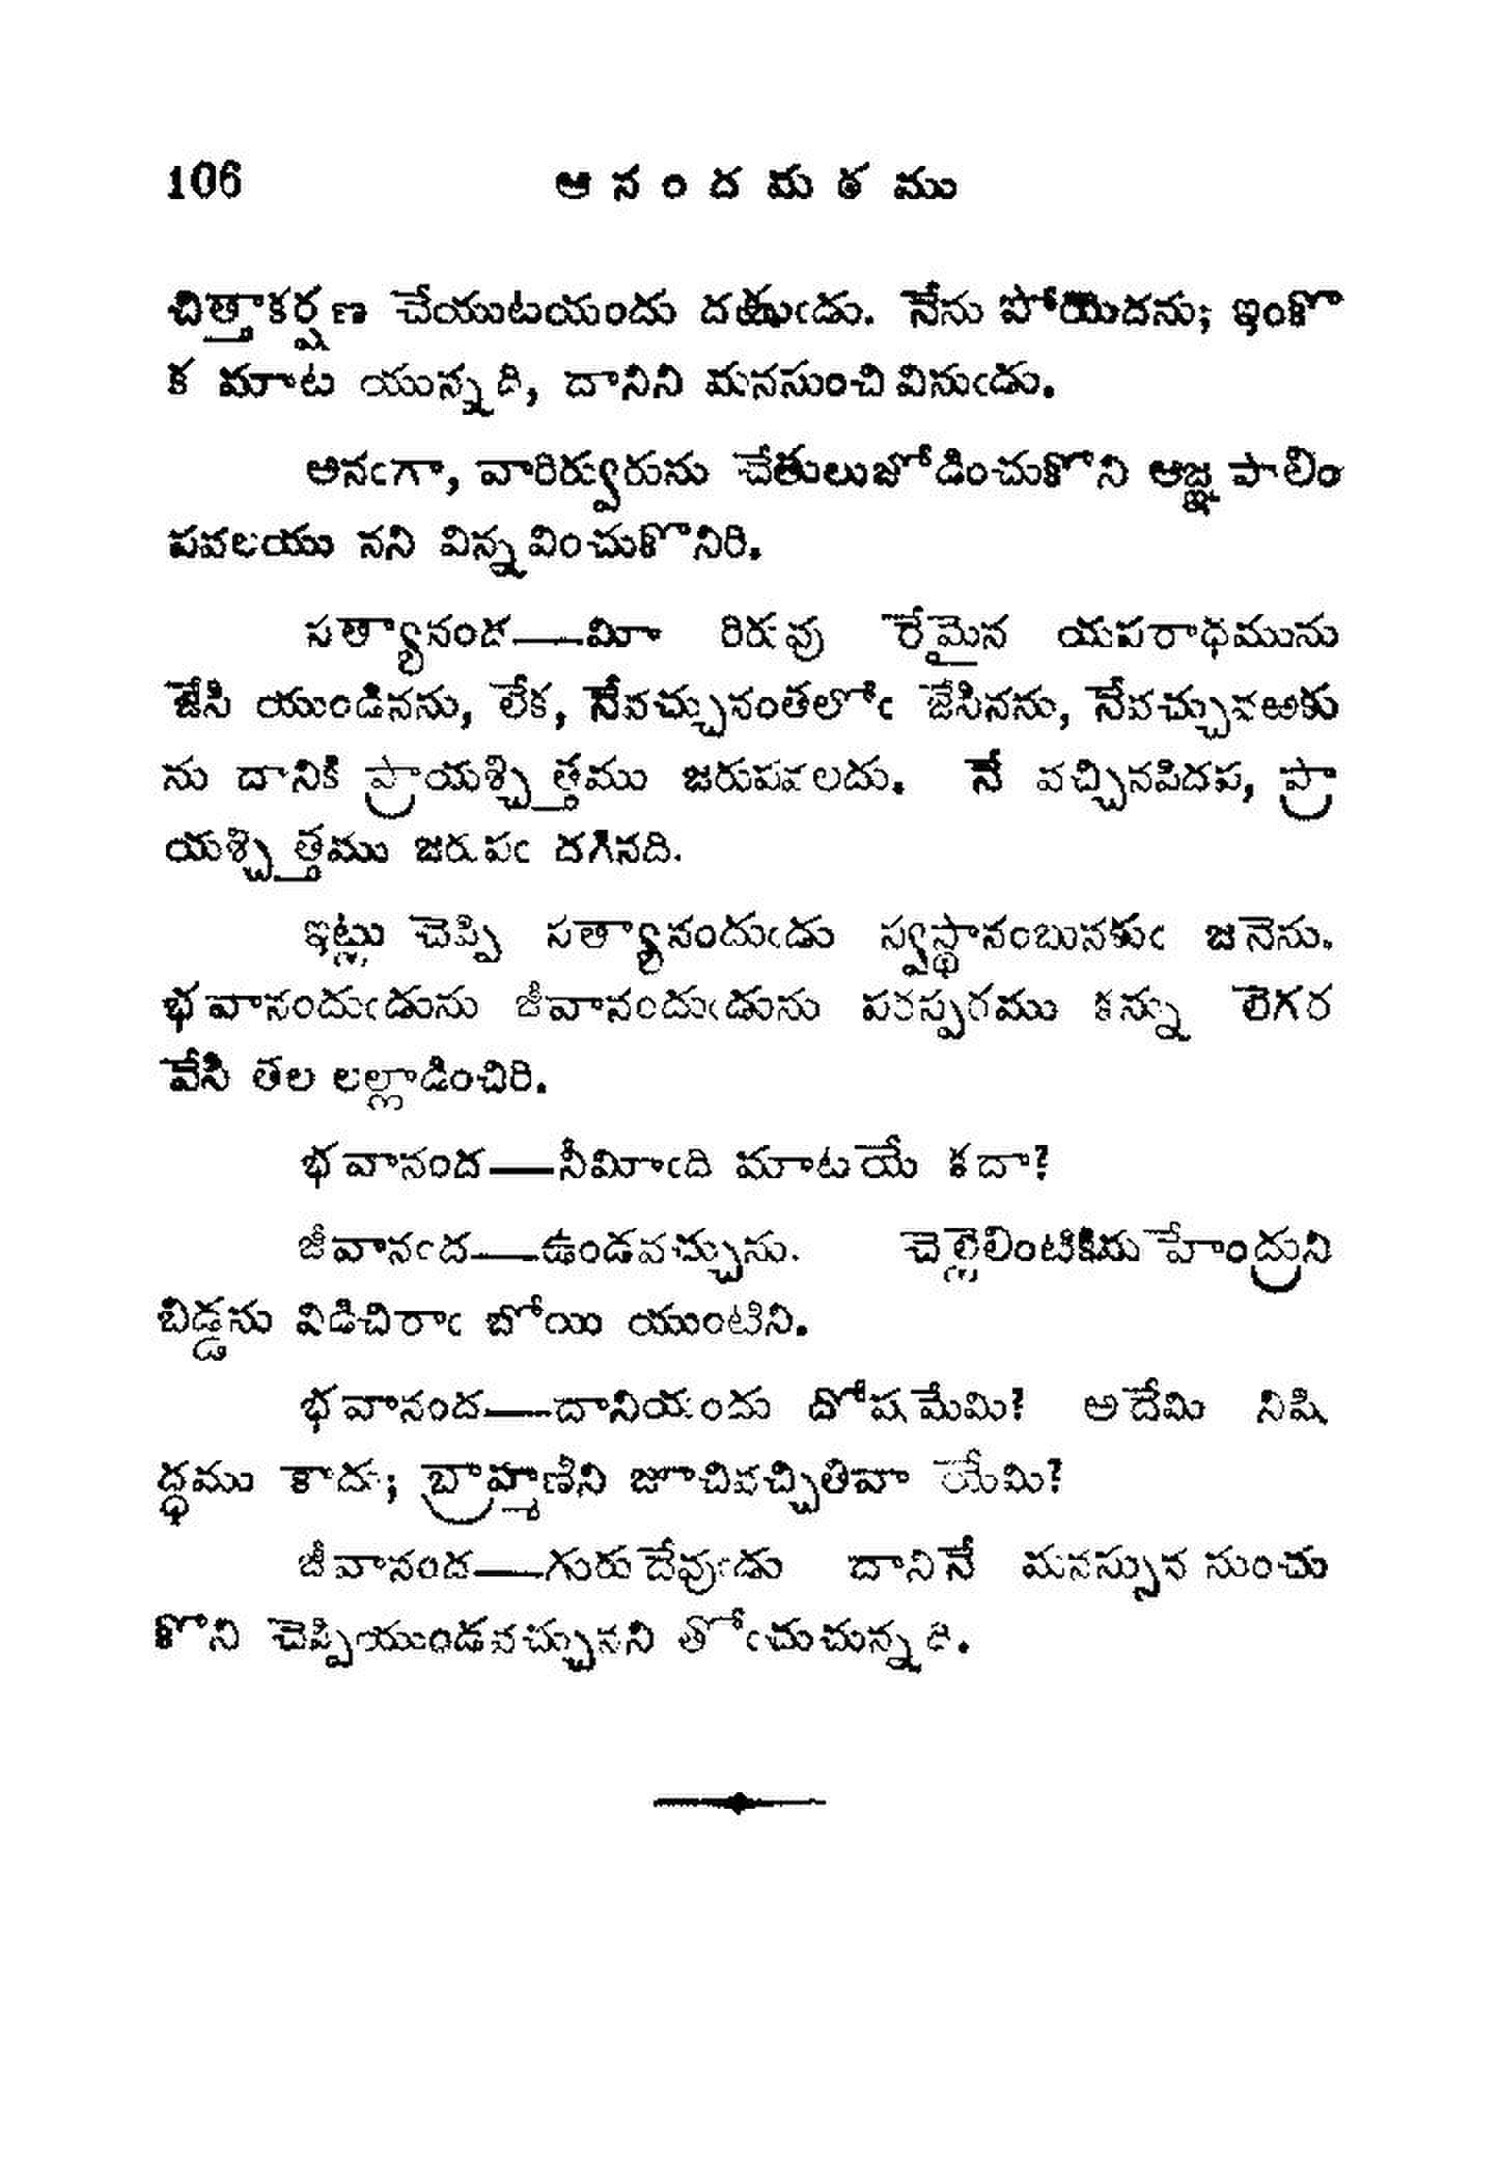చిత్తాకర్షణ చేయుటయందు దక్షుఁడు. నేను పోయెదను; ఇంకొక మాట యున్నది, దానిని మనసుంచి వినుఁడు.

అనఁగా, వారిర్వురును చేతులు జోడించుకొని ఆజ్ఞ పాలింపవలయు నని విన్నవించుకొనిరి.

సత్యానంద——మీ రిరువు రేమైన యపరాధమును జేసి యుండినను, లేక, నేవచ్చునంతలోఁ జేసినను, నేవచ్చువఱకును దానికి ప్రాయశ్చిత్తము జరుపవలదు. నే వచ్చినపిదప, ప్రొయశ్చిత్తము జరపఁ దగినది.

ఇట్లు చెప్పి సత్యానందుఁడు స్వస్థానంబునకుఁ జనెను. భవానందుఁడును జీవానందుఁడును పరస్పరము కన్ను లెగరవేసి తల లల్లాడించిరి.

భవానంద—— నీమీఁది మాటయే కదా?

జీవానఁద—— ఉండవచ్చును. చెల్లెలింటికి మహేంద్రుని బిడ్డను విడిచిరాఁ బోయి యుంటిని.

భవానంద—— దానియందు దోష మేమి? అదేమి నిషిద్ధము కాదు; బ్రాహ్మణీని జూచివచ్చితివా యేమి?

జీవానంద—— గురు దేవుఁడు దానినే మనస్సున నుంచుకొని చెప్పియుండవచ్చునని తోఁచుచున్నది.